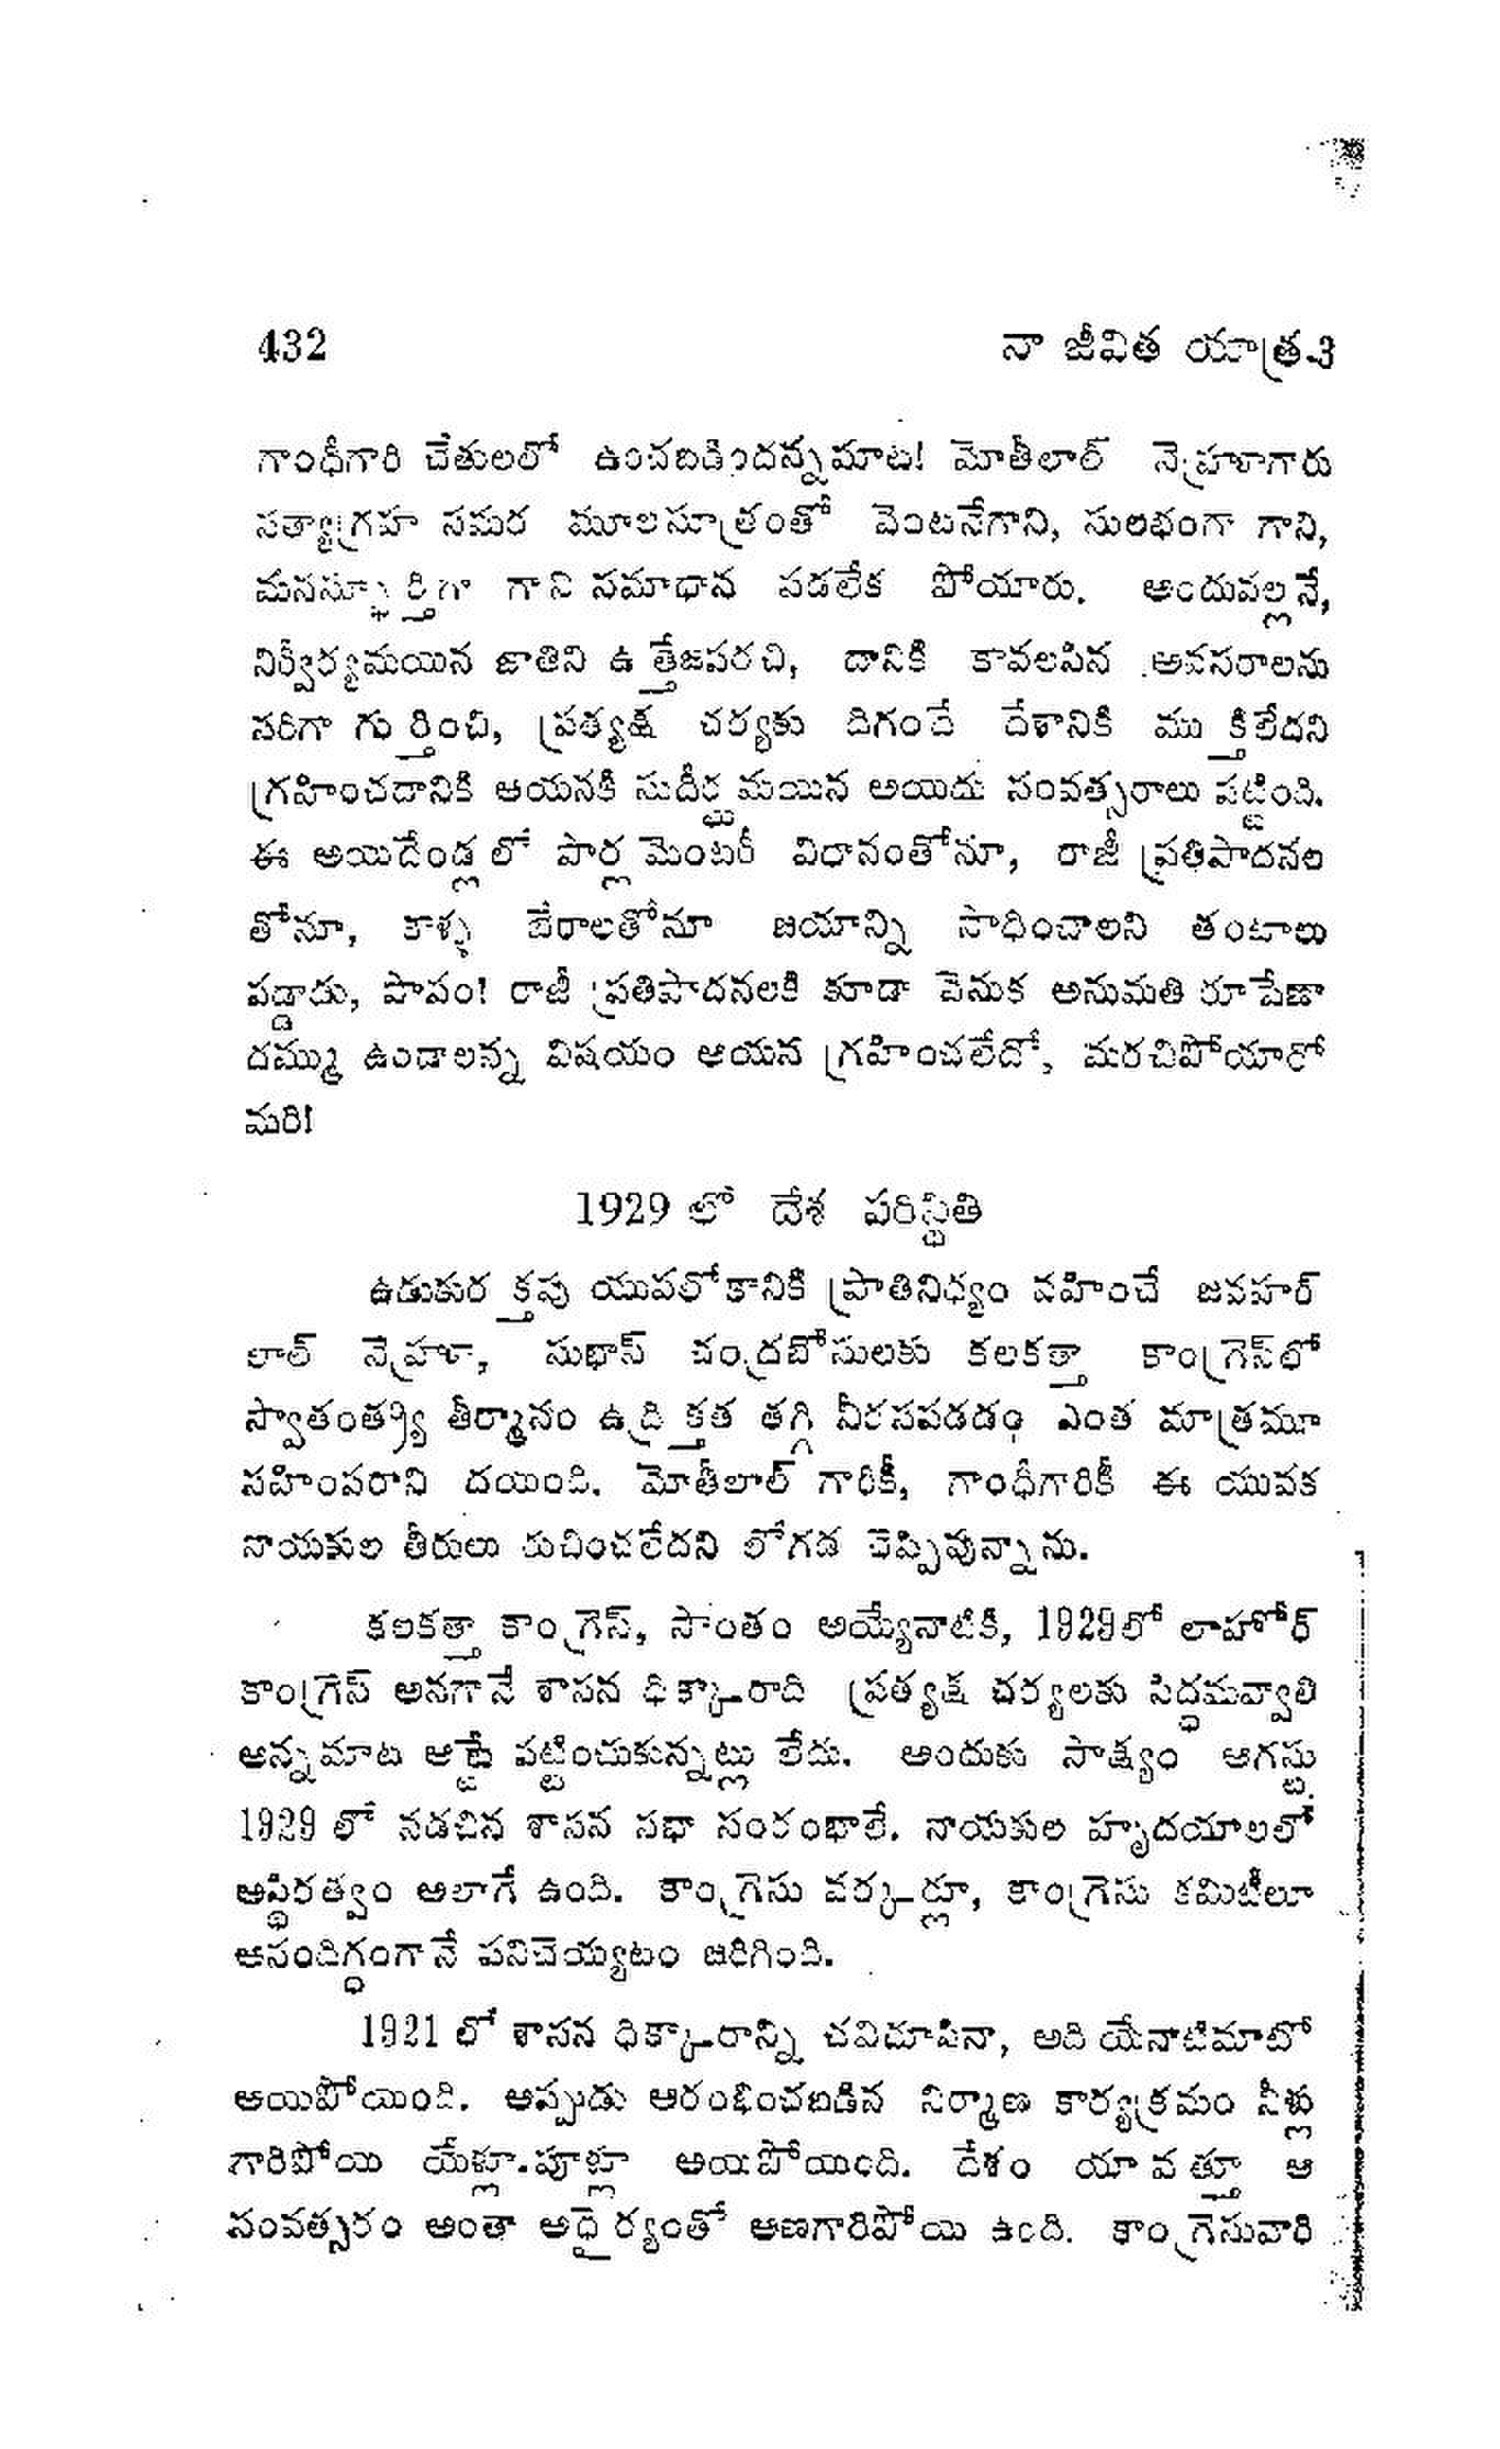గాంధీగారి చేతులలో ఉంచబడిందన్నమాట! మోతీలాల్ నెహ్రూగారు సత్యాగ్రహ సమర మూలసూత్రంతో వెంటనేగాని, సులభంగా గాని, మనస్ఫూర్తిగా గాని సమాధాన పడలేక పోయారు. అందువల్లనే, నిర్వీర్యమయిన జాతిని ఉత్తేజపరచి, దానికి కావలసిన అవసరాలను సరిగా గుర్తించి, ప్రత్యక్ష చర్యకు దిగందే దేశానికి ముక్తిలేదని గ్రహించడానికి ఆయనకి సుదీర్ఘమయిన అయిదు సంవత్సరాలు పట్టింది. ఈ అయిదేండ్లలో పార్లమెంటరీ విధానంతోనూ, రాజీ ప్రతిపాదనలతోనూ, కాళ్ళ బేరాలతోనూ జయాన్ని సాధించాలని తంటాలు పడ్డాడు, పాపం! రాజీ ప్రతిపాదనలకి కూడా వెనుక అనుమతి రూపేణా దమ్ము ఉండాలన్న విషయం ఆయన గ్రహించలేదో, మరచిపోయారో మరి!

ఉడుకురక్తపు యువలోకానికి ప్రాతినిధ్యం వహించే జవహర్‌లాల్ నెహ్రూ, సుభాస్ చంద్రబోసులకు కలకత్తా కాంగ్రెస్‌లో స్వాతంత్ర్య తీర్మానం ఉద్రిక్తత తగ్గి నీరసపడడం ఎంత మాత్రమూ సహింపరాని దయింది. మోతీలాల్ గారికీ, గాంధీగారికీ ఈ యువక నాయకుల తీరులు రుచించలేదని లోగడ చెప్పివున్నాను.

కలకత్తా కాంగ్రెస్, సాంతం అయ్యేనాటికి, 1929 లో లాహోర్ కాంగ్రెస్ అనగానే శాసన ధిక్కారాది ప్రత్యక్ష చర్యలకు సిద్ధమవ్వాలి అన్నమాట అట్టే పట్టించుకున్నట్లు లేదు. అందుకు సాక్ష్యం ఆగష్టు 1929 లో నడచిన శాసన సభా సంరంభాలే. నాయకుల హృదయాలలో అస్థిరత్వం అలాగే ఉంది. కాంగ్రెసు వర్కర్లూ, కాంగ్రెసు కమిటీలూ అసందిగ్ధంగానే పనిచెయ్యటం జరిగింది.

1921 లో శాసన ధిక్కారాన్ని చవిచూసినా, అది యేనాటిమాటో అయిపోయింది. అప్పుడు ఆరంభించబడిన నిర్మాణ కార్యక్రమం నీళ్లుగారిపోయి యేళ్లూ - పూళ్లూ అయిపోయింది. దేశం యావత్తూ ఆ సంవత్సరం అంతా అధైర్యంతో అణగారిపోయి ఉంది. కాంగ్రెసువారి